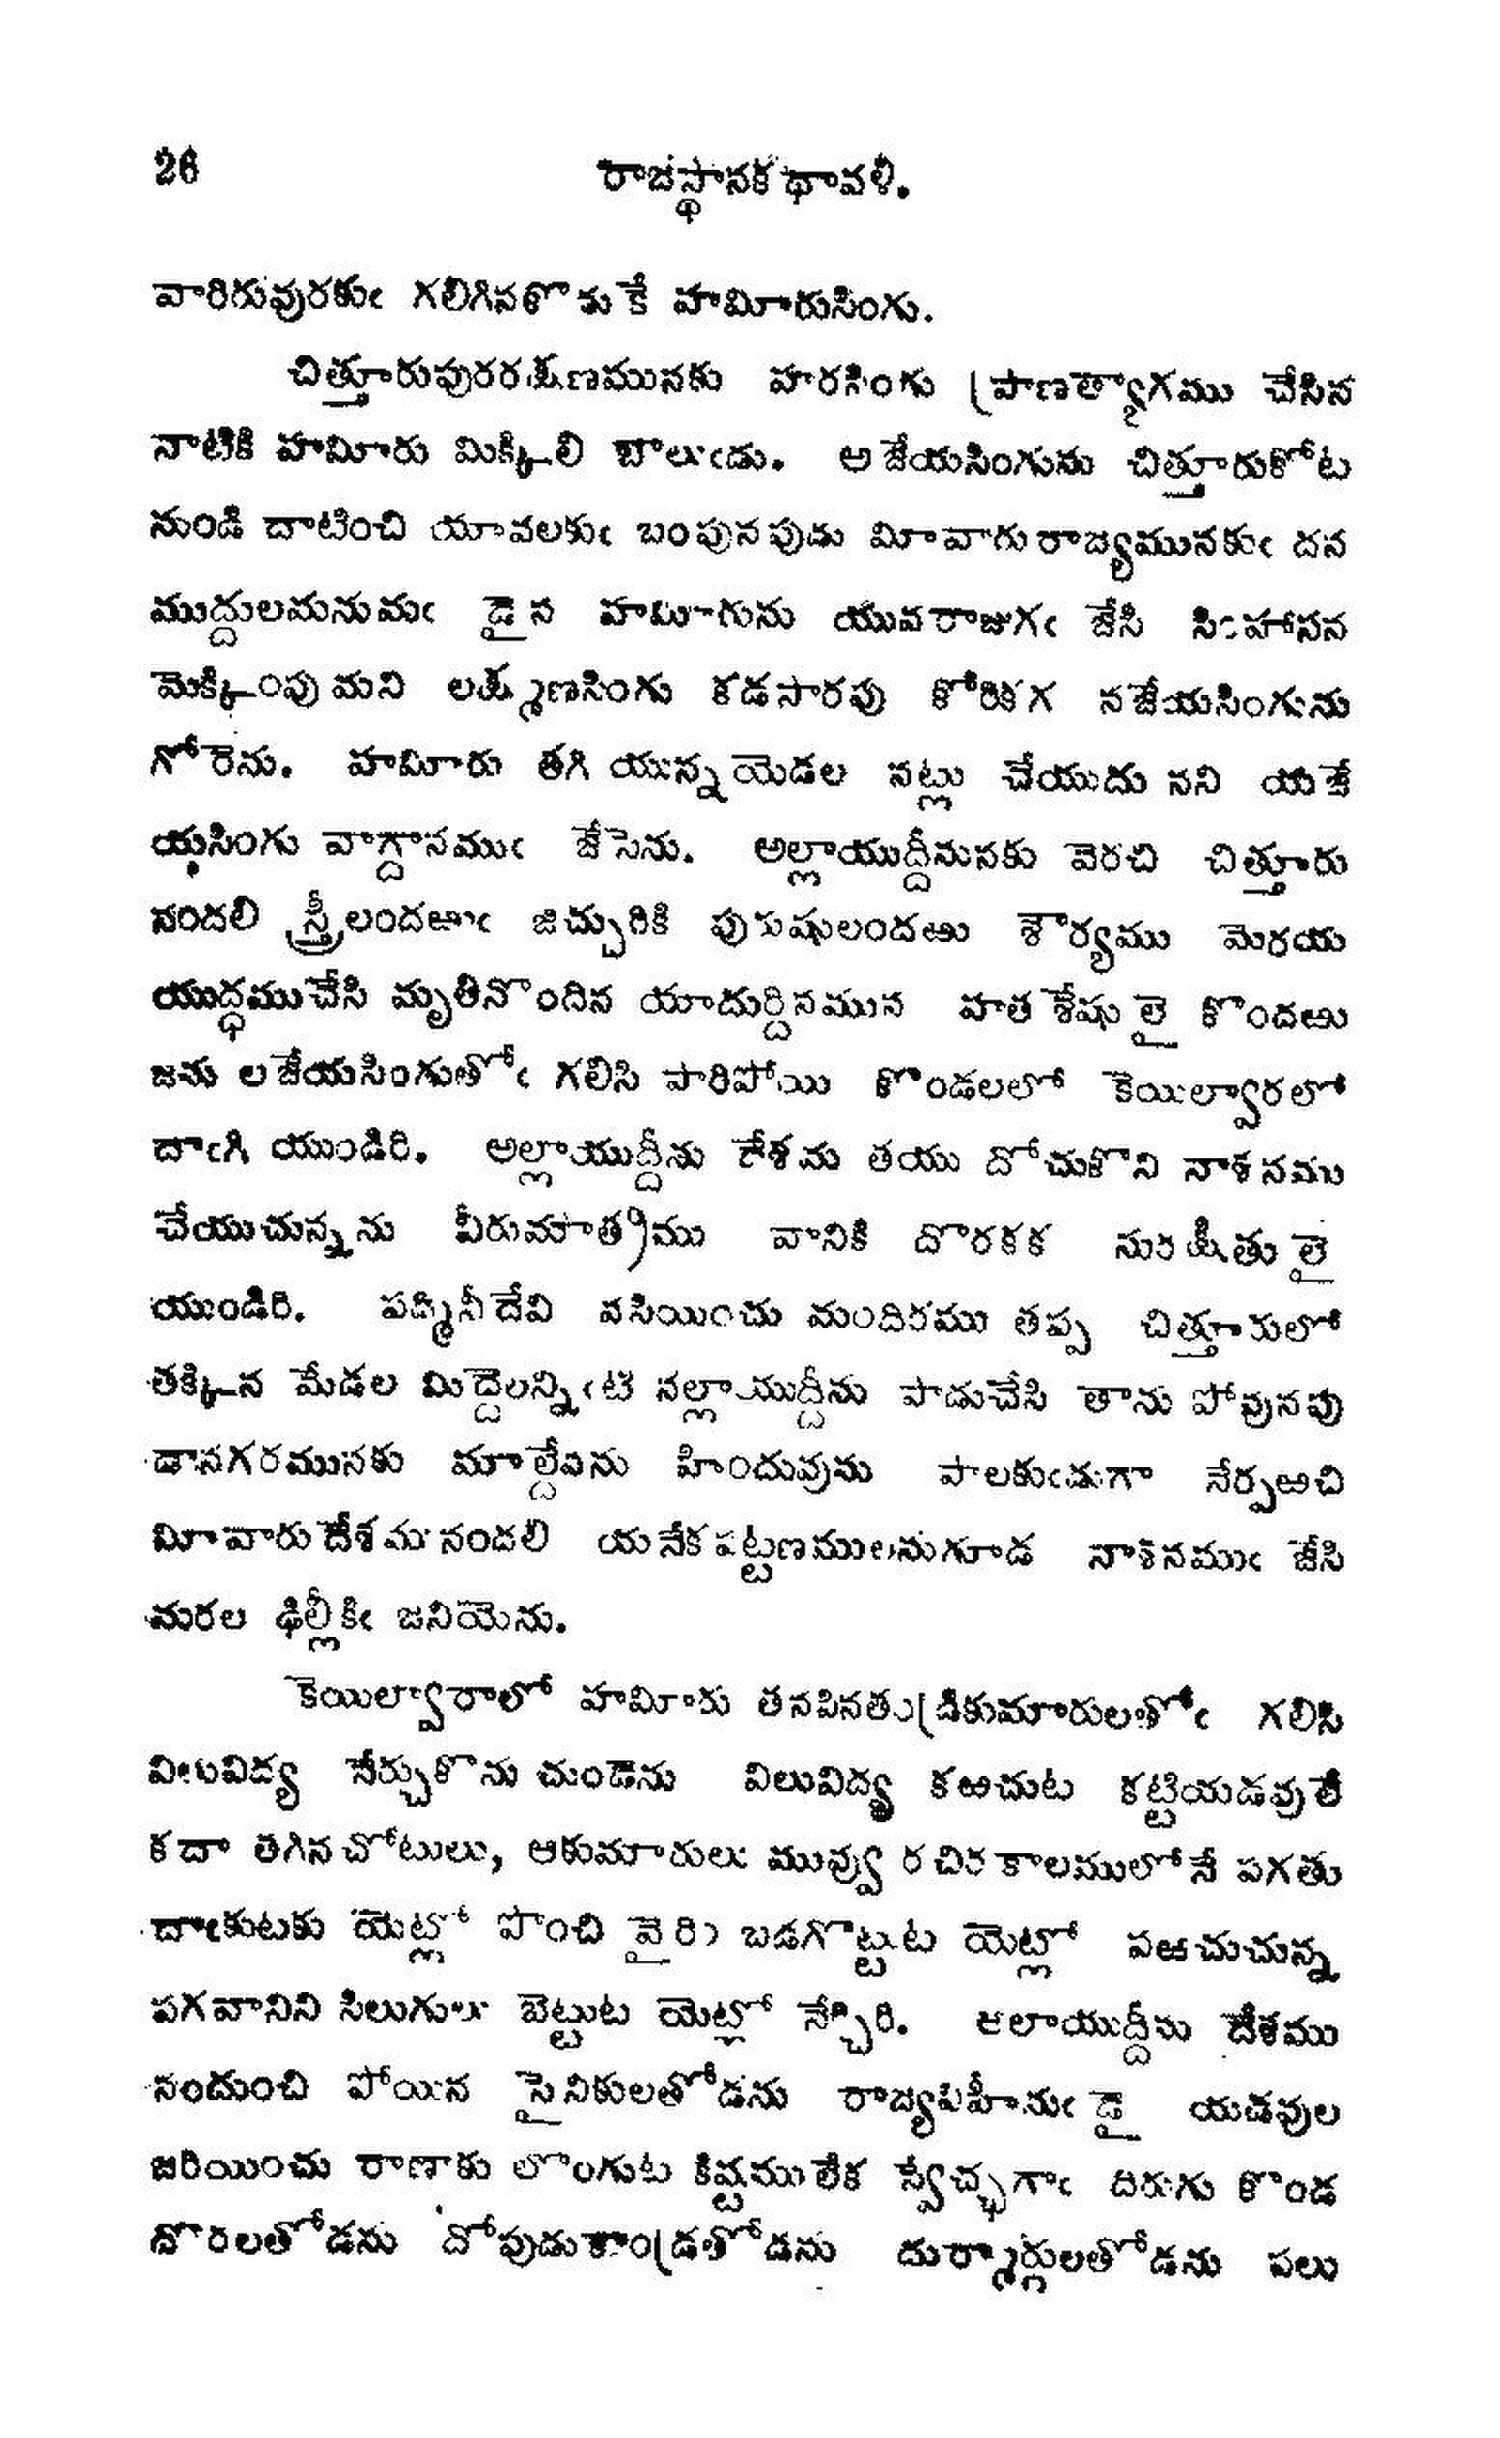వారిరువురకుఁ గలిగినకొడుకే హమీరుసింగు.

చిత్తూరుపురరక్షణమునకు హరసింగు ప్రాణత్యాగము చేసిన నాటికి హమీరు మిక్కిలి బాలుఁడు. అజేయసింగును చిత్తూరుకోట నుండి దాటించి యావలకుఁ బంపునపుడు మీవారు రాజ్యమునకుఁ దన ముద్దులమనుమఁ డైన హమీరును యువరాజుగఁ జేసి సింహాసన మెక్కింపు మని లక్ష్మణసింగు కడసారపు కోరికగ నజేయసింగును గోరెను. హమీరు తగి యున్నయెడల నట్లు చేయుదునని యజేయసింగు వాగ్దానముఁ జేసెను. అల్లాయుద్దీనునకు వెరచి చిత్తూరు నందలి స్త్రీలందఱుఁ జిచ్చురికి పురుషులందఱు శౌర్యము మెరయ యుద్ధము చేసి మృతి నొందిన యాదుర్దినమున హతశేషులై కొందఱు జను లజేయసింగుతోఁ గలిసి పారిపోయి కొండలలో కేయిల్వారలో దాఁగి యుండిరి. అల్లాయుద్దీను "దేశమంతయు దోచుకొని నాశనము చేయుచున్నను వీరుమాత్రము వానికి దొరకక సురక్షితులై యుండిరి. పద్మినీదేవి వసియించు మందిరము తప్ప చిత్తూరులో తక్కిన మేడల మిద్దె లన్నిఁటి నల్లాయుద్దీను పాడుచేసి తాను పోవునపుడానగరమునకు మార్టేవను హిందువును పాలకుఁడుగా నేర్పఱచి మివారు దేశము నందలి యనేక పట్టణములనుగూడ నాశనముఁ జేసి మరల ఢిల్లీకిఁ జనియెను.

కెయిల్వారాలో హమీరు తన పినతండ్రికుమారులతోఁ గలిసి విలువిద్య నేర్చుకొను చుండెను విలువిద్య కఱచుట కట్టియడవులే కదా తగిన చోటులు, ఆకుమారులు మువ్వు రచిరకాలములోనే పగతు దాకుటకు యెట్లో పొంచి వైరిం బడగొట్టుట యెట్లో పఱచుచున్న పగవానిని సిలుగులు బెట్టుట యెట్లో నేర్చిరి. ఆలాయుద్దీను దేశము
నందుంచి పోయిన సైనికులతోడను రాజ్యవిహీనుఁడై యడవుల జరియించు రాణాకు లొంగుట కిష్టము లేక స్వేచ్ఛగాఁ దిరుగు కొండ దొరలతోడను దోపుడు కాండ్రతోడను దుర్మార్గులతోడను పలు